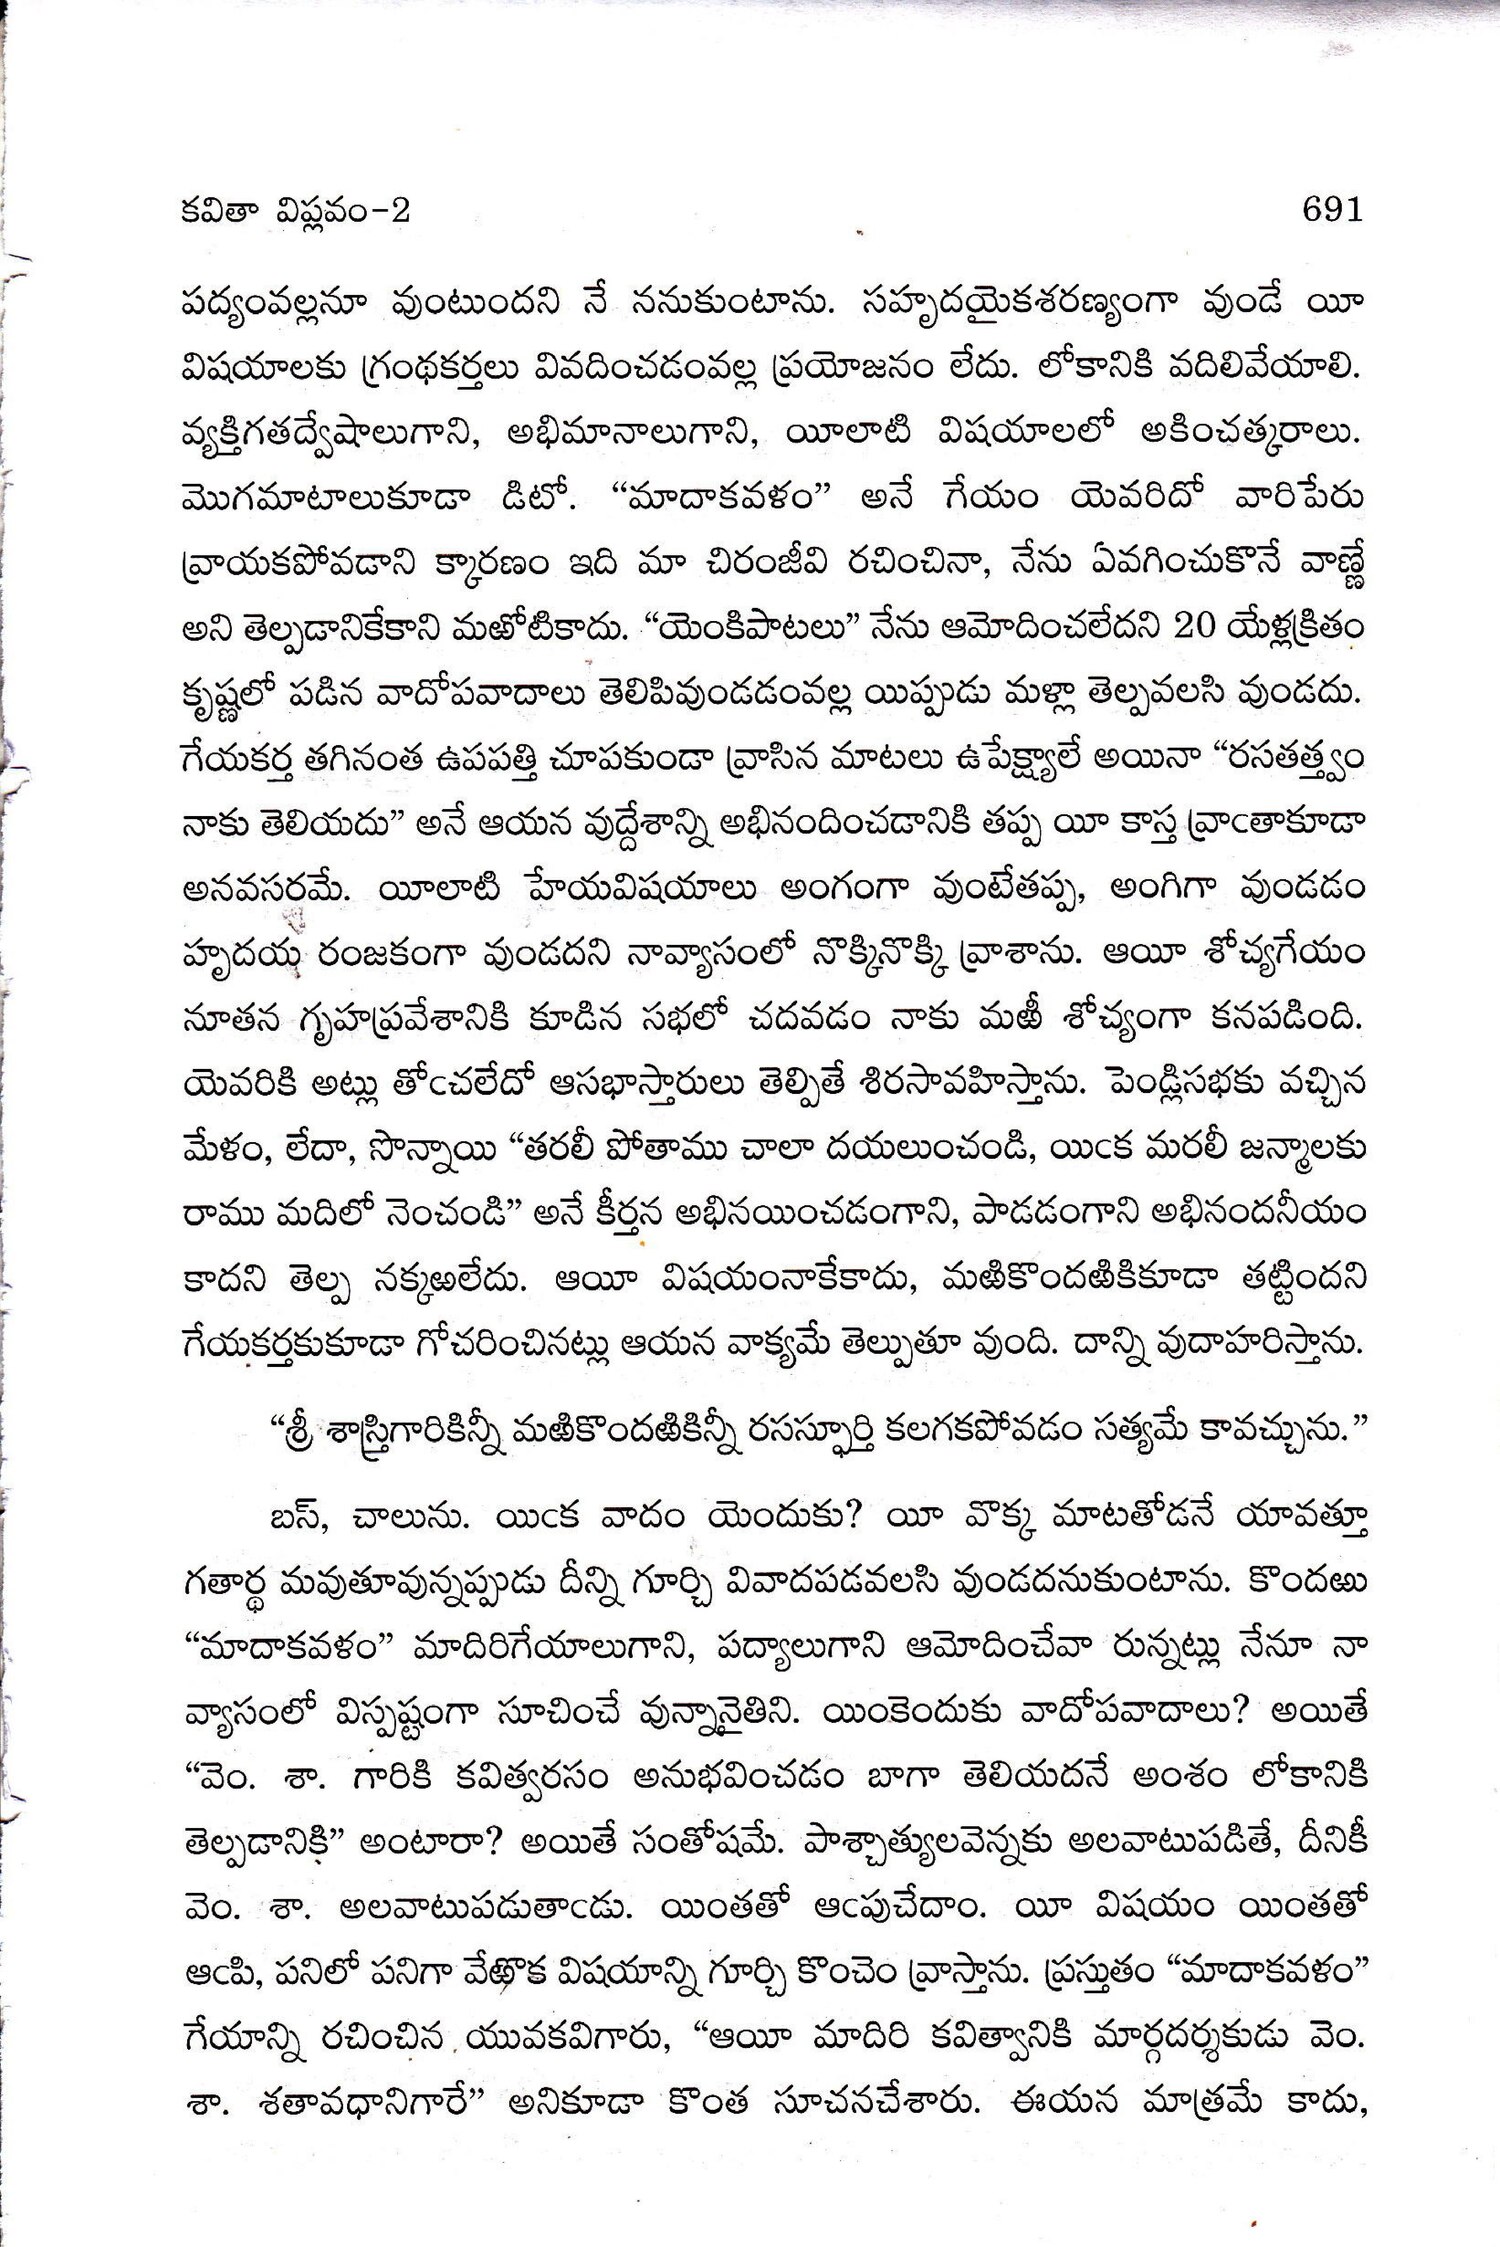పద్యంవల్లనూ వుంటుందని నే ననుకుంటాను. సహృదయైకశరణ్యంగా వుండే యీ విషయాలకు గ్రంథకర్తలు వివదించడంవల్ల ప్రయోజనం లేదు. లోకానికి వదిలివేయాలి. వ్యక్తిగతద్వేషాలుగాని, అభిమానాలుగాని, యీలాటి విషయాలలో అకించత్కరాలు. మొగమాటాలుకూడా డిటో, “మాదాకవళం” అనే గేయం యెవరిదో వారిపేరు వ్రాయకపోవడాని క్కారణం ఇది మా చిరంజీవి రచించినా, నేను ఏవగించుకొనే వాణ్ణి అని తెల్పడానికేకాని మఱోటికాదు. "యెంకిపాటలు" నేను ఆమోదించలేదని 20 యేళ్లక్రితం కృష్ణలో పడిన వాదోపవాదాలు తెలిపివుండడంవల్ల యిప్పుడు మళ్లా తెల్పవలసి వుండదు. గేయకర్త తగినంత ఉపపత్తి చూపకుండా వ్రాసిన మాటలు ఉపేక్ష్యాలే అయినా “రసతత్త్వం నాకు తెలియదు” అనే ఆయన వుద్దేశాన్ని అభినందించడానికి తప్ప యీ కాస్త వ్రాఁతాకూడా అనవసరమే. యీలాటి హేయవిషయాలు అంగంగా వుంటేతప్ప, అంగిగా వుండడం హృదయ రంజకంగా వుండదని నావ్యాసంలో నొక్కినొక్కి వ్రాశాను. ఆయీ శోచ్యగేయం నూతన గృహప్రవేశానికి కూడిన సభలో చదవడం నాకు మఱీ శోచ్యంగా కనపడింది. యెవరికి అట్లు తోఁచలేదో ఆసభాస్తారులు తెల్పితే శిరసావహిస్తాను. పెండ్లిసభకు వచ్చిన మేళం, లేదా, సొన్నాయి “తరలీ పోతాము చాలా దయలుంచండి, యిఁక మరలీ జన్మాలకు రాము మదిలో నెంచండి" అనే కీర్తన అభినయించడంగాని, పాడడంగాని అభినందనీయం కాదని తెల్ప నక్కఱలేదు. ఆయీ విషయంనాకేకాదు, మఱికొందఱికికూడా తట్టిందని గేయకర్తకుకూడా గోచరించినట్లు ఆయన వాక్యమే తెల్పుతూ వుంది. దాన్ని వుదాహరిస్తాను.

"శ్రీ శాస్త్రిగారికిన్నీ మఱికొందఱికిన్నీ రసస్ఫూర్తి కలగకపోవడం సత్యమే కావచ్చును.”

బస్, చాలును. యిఁక వాదం యెందుకు? యీ వొక్క మాటతోడనే యావత్తూ గతార్ధ మవుతూవున్నప్పుడు దీన్ని గూర్చి వివాదపడవలసి వుండదనుకుంటాను. కొందఱు “మాదాకవళం" మాదిరిగేయాలుగాని, పద్యాలుగాని ఆమోదించేవా రున్నట్లు నేనూ నా వ్యాసంలో విస్పష్టంగా సూచించే వున్నానైతిని. యింకెందుకు వాదోపవాదాలు? అయితే "వెం. శా. గారికి కవిత్వరసం అనుభవించడం బాగా తెలియదనే అంశం లోకానికి తెల్పడానిక్షి” అంటారా? అయితే సంతోషమే. పాశ్చాత్యులవెన్నకు అలవాటుపడితే, దీనికీ వెం. శా. అలవాటుపడుతాఁడు. యింతతో ఆఁపుచేదాం. యీ విషయం యింతతో ఆఁపి, పనిలో పనిగా వేఱొక విషయాన్ని గూర్చి కొంచెం వ్రాస్తాను. ప్రస్తుతం “మాదాకవళం" గేయాన్ని రచించిన యువకవిగారు, “ఆయీ మాదిరి కవిత్వానికి మార్గదర్శకుడు వెం. శా. శతావధానిగారే” అనికూడా కొంత సూచనచేశారు. ఈయన మాత్రమే కాదు,